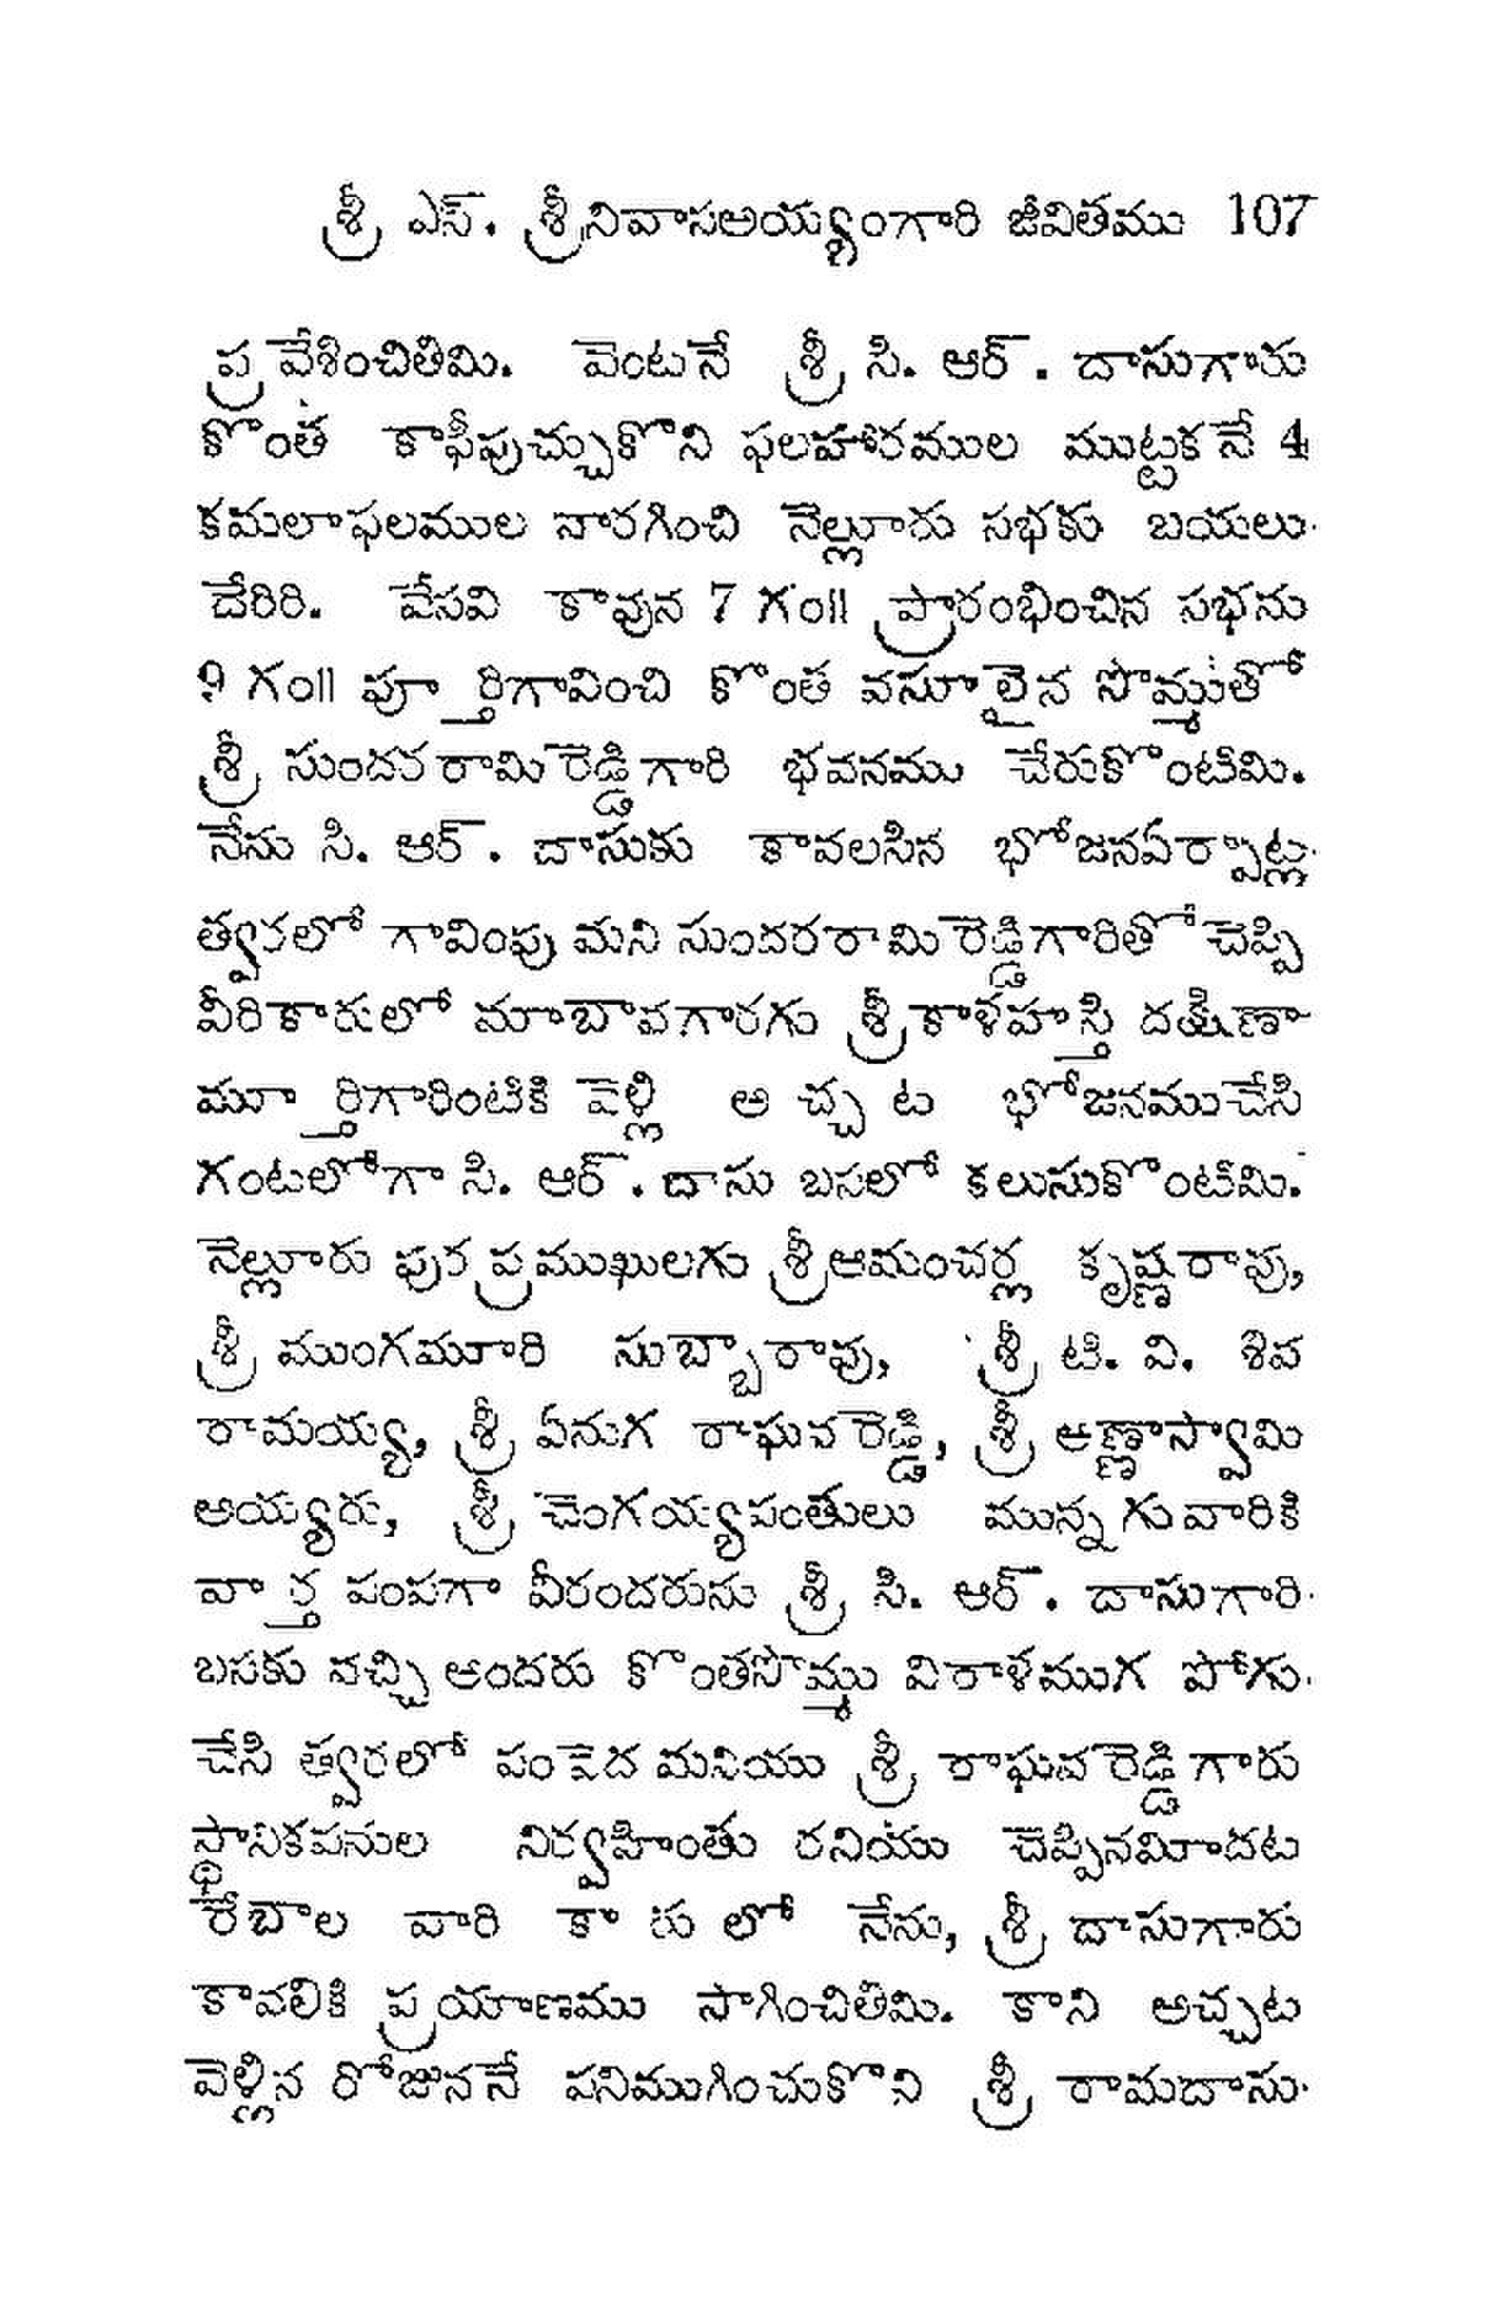ప్రవేశించితిమి. వెంటనే శ్రీ సి. ఆర్ . దాసుగారు కొంత కాఫీపుచ్చుకొని ఫలహారముల ముట్టకనే 4 కమలాఫలముల నారగించి నెల్లూరు సభకు బయలుదేరిరి. వేసవి కావున 7 గం!! ప్రారంభించిన సభను 9 గం|| పూర్తిగావించి కొంత వసూలైన సొమ్ముతో శ్రీ సుందరరామిరెడ్డిగారి భవనము చేరుకొంటిమి. నేను సి. ఆర్ . దాసుకు కావలసిన భోజనఏర్పాట్ల త్వరలో గావింపు మని సుందరరామిరెడ్డిగారితో చెప్పి వీరికారులో మాబావగారగు శ్రీకాళహస్తి దక్షిణామూర్తిగారింటికి వెళ్లి ఆచ్చట భోజనముచేసి గంటలోగా సి. ఆర్. దాసు బసలో కలుసుకొంటిమి. నెల్లూరు పురప్రముఖులగు శ్రీ ఆమంచర్ల కృష్ణరావు, శ్రీముంగమూరి సుబ్బారావు, శ్రీ టి. వి. శివరామయ్య, శ్రీ ఏనుగ రాఘవరెడ్డి, శ్రీ అణ్ణాస్వామిఅయ్యరు, శ్రీ చెంగయ్యపంతులు మున్నగువారికి వార్త పంపగా వీరందరును శ్రీ సి. ఆర్. దాసుగారి బసకు వచ్చి అందరు కొంతసొమ్ము విరాళముగ పోగుచేసి త్వరలో పంపెదమనియు శ్రీ రాఘవరెడ్డిగారు స్థానికపనుల నిర్వహింతు రనియు చెప్పినమీదట రేబాల వారి కారులో నేను, శ్రీ దాసుగారు కావలికి ప్రయాణము సాగించితిమి. కాని అచ్చట వెళ్లిన రోజుననే పనిముగించుకొని శ్రీ రామదాసు